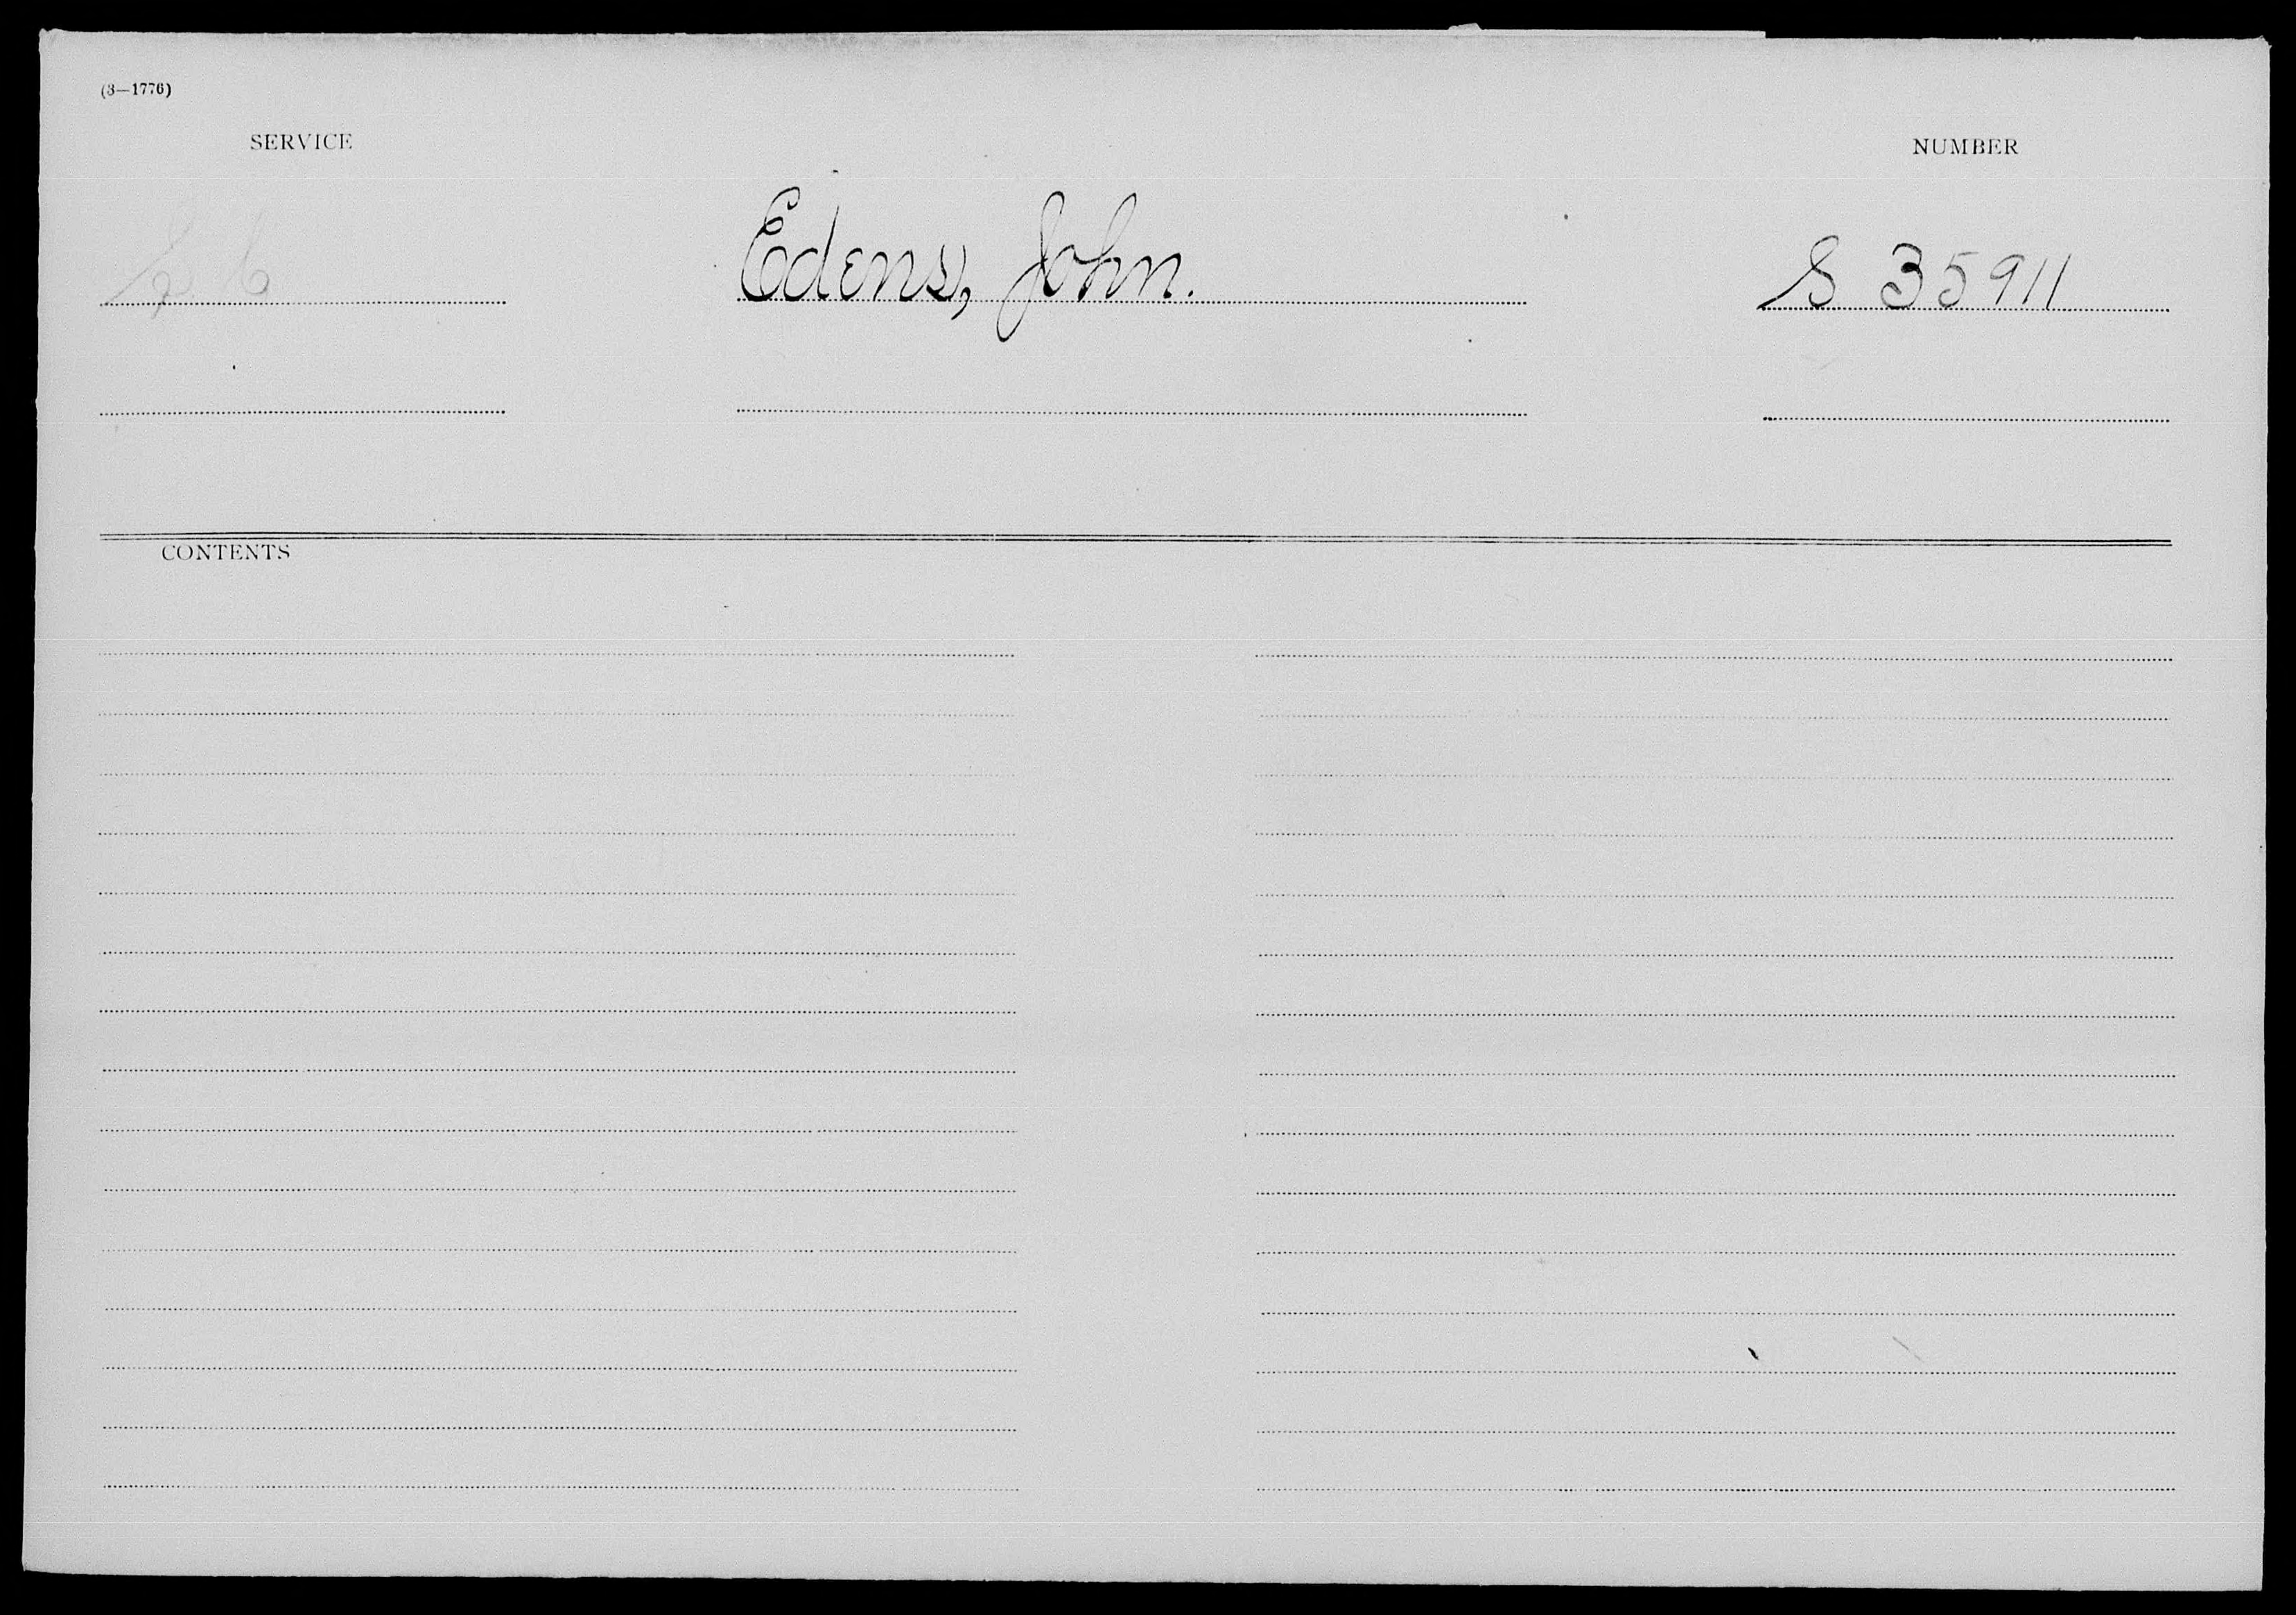(3 - 1776)
SERVICE SC
Edens, John
NUMBER S35911

CONTENTS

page: 1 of 14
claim: survivor's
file: S 35911, John Edens, S.C.